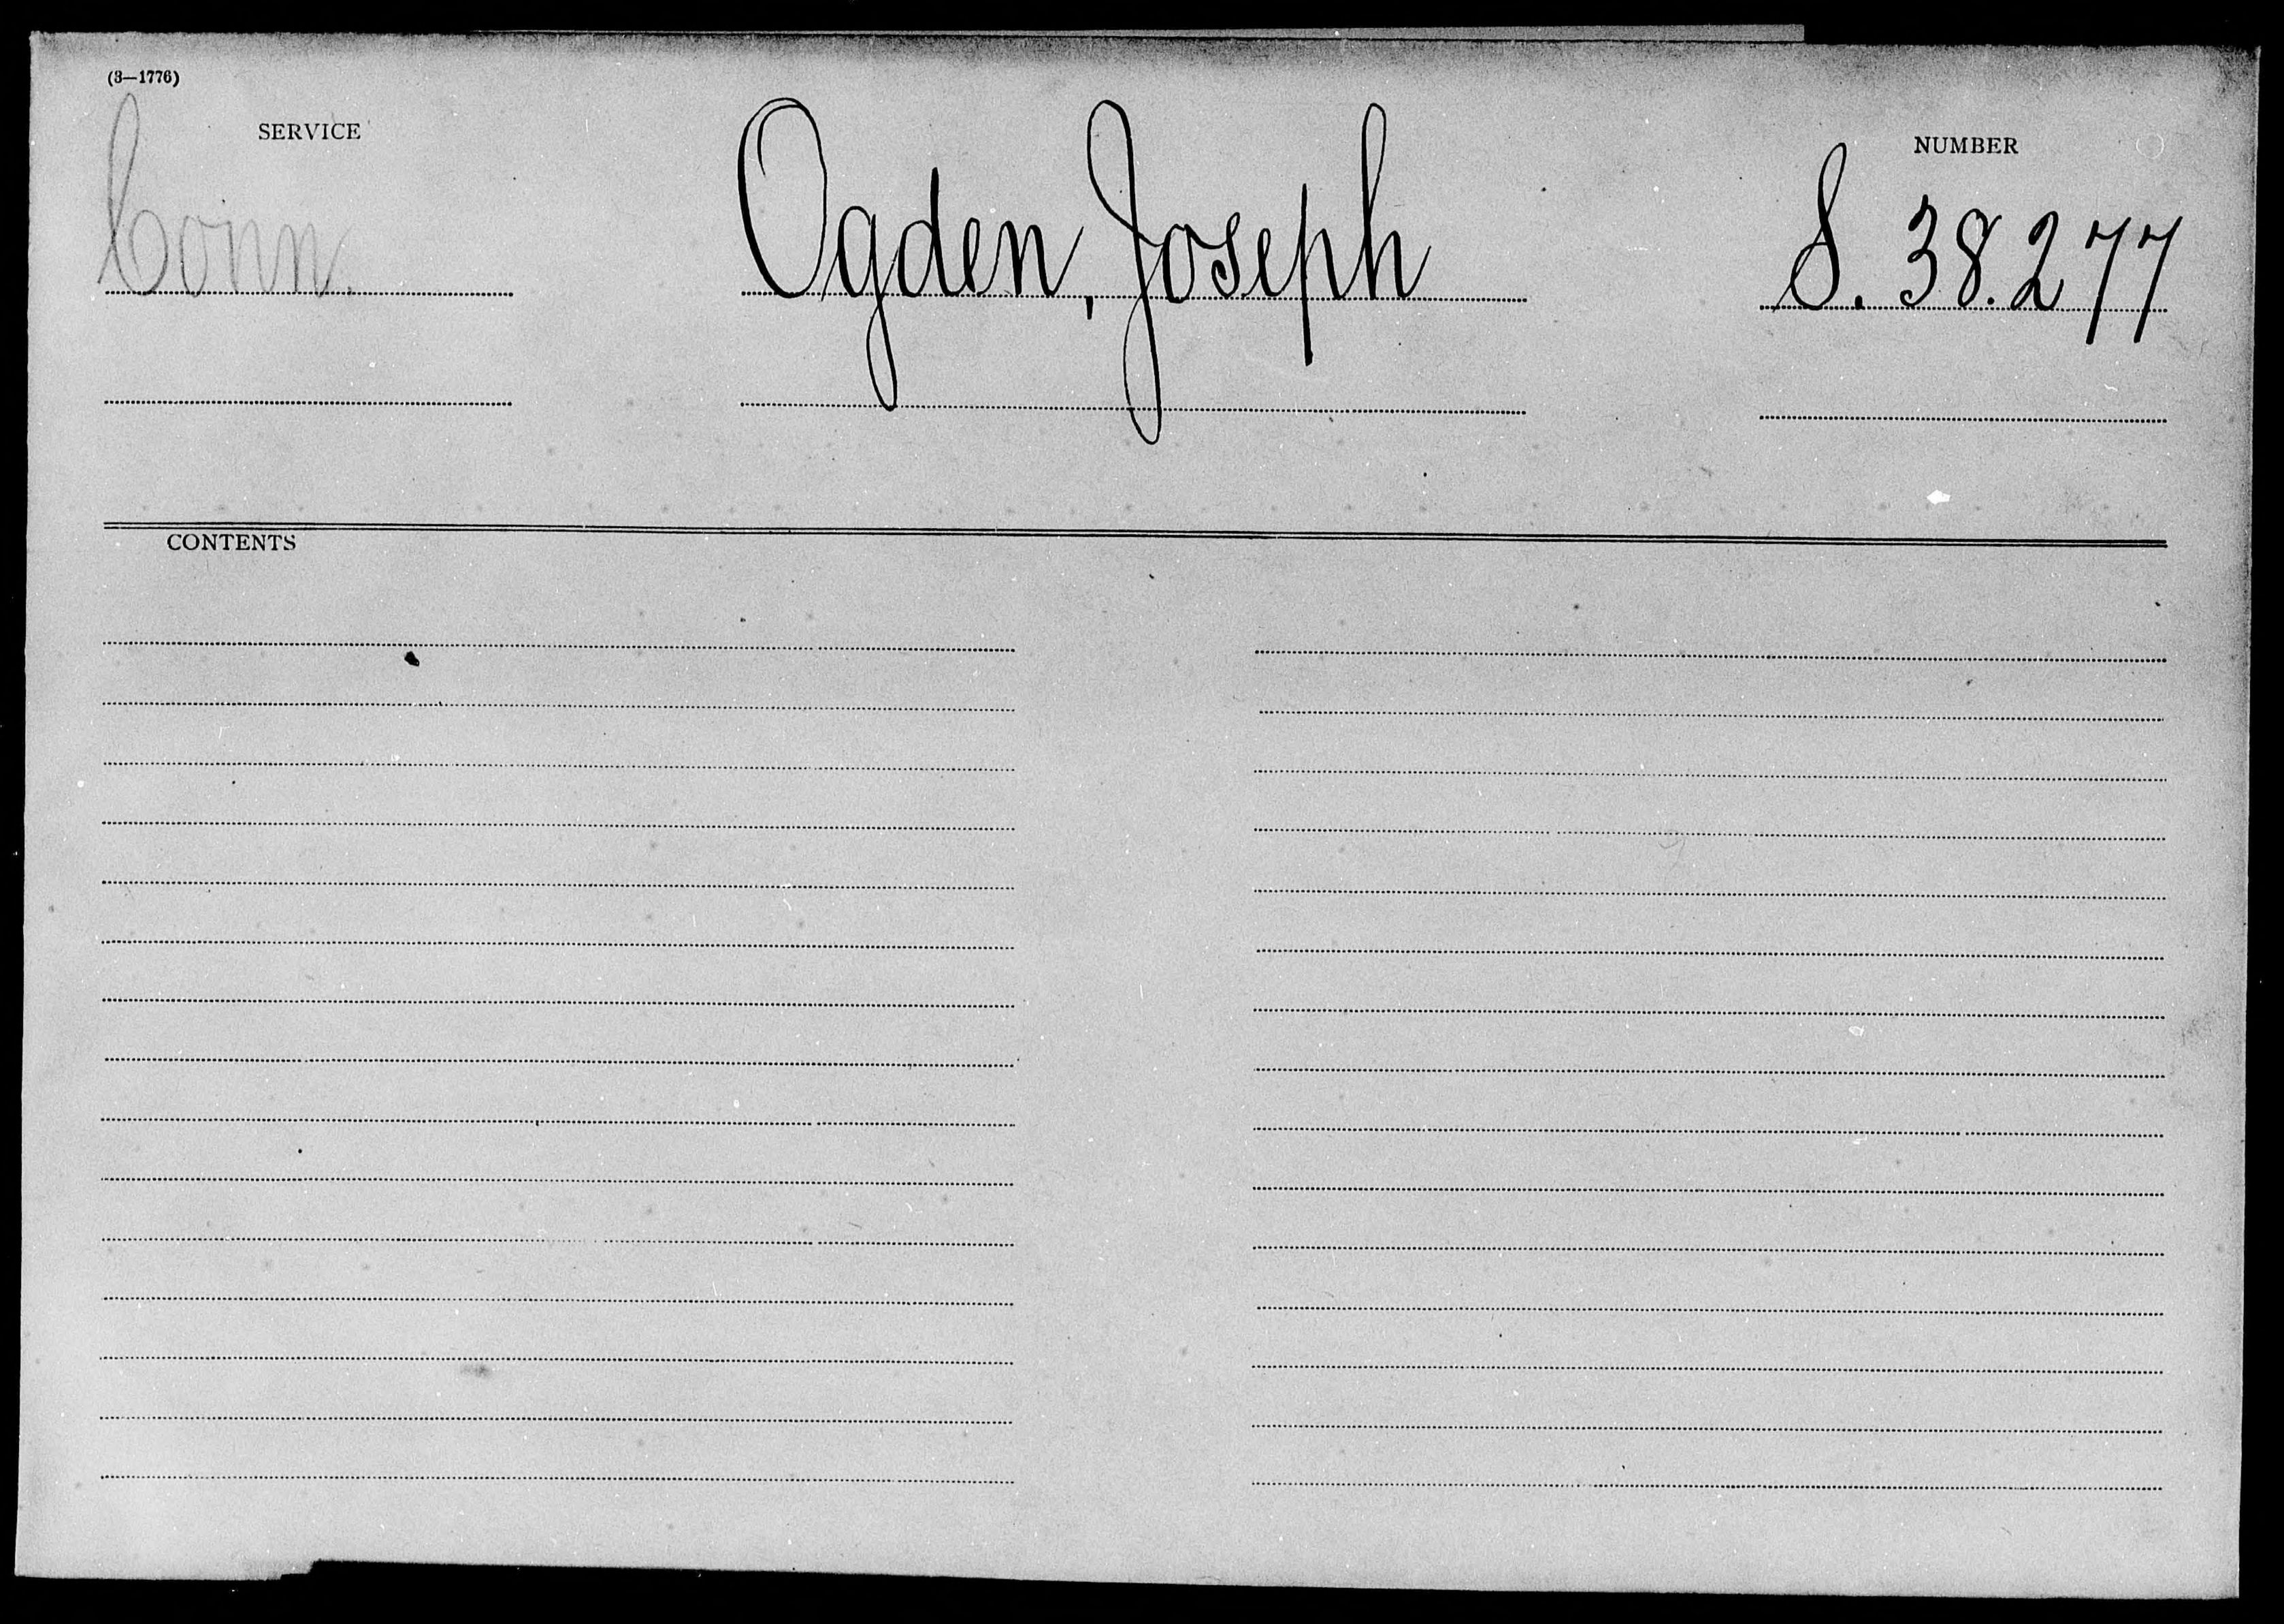(3 - 1776)
SERVICE NUMBER
Conn. Ogden, Joseph S.38277
CONTENTS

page: 1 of 15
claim: survivor's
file: S. 38,277, for Joseph Ogden, Connecticut